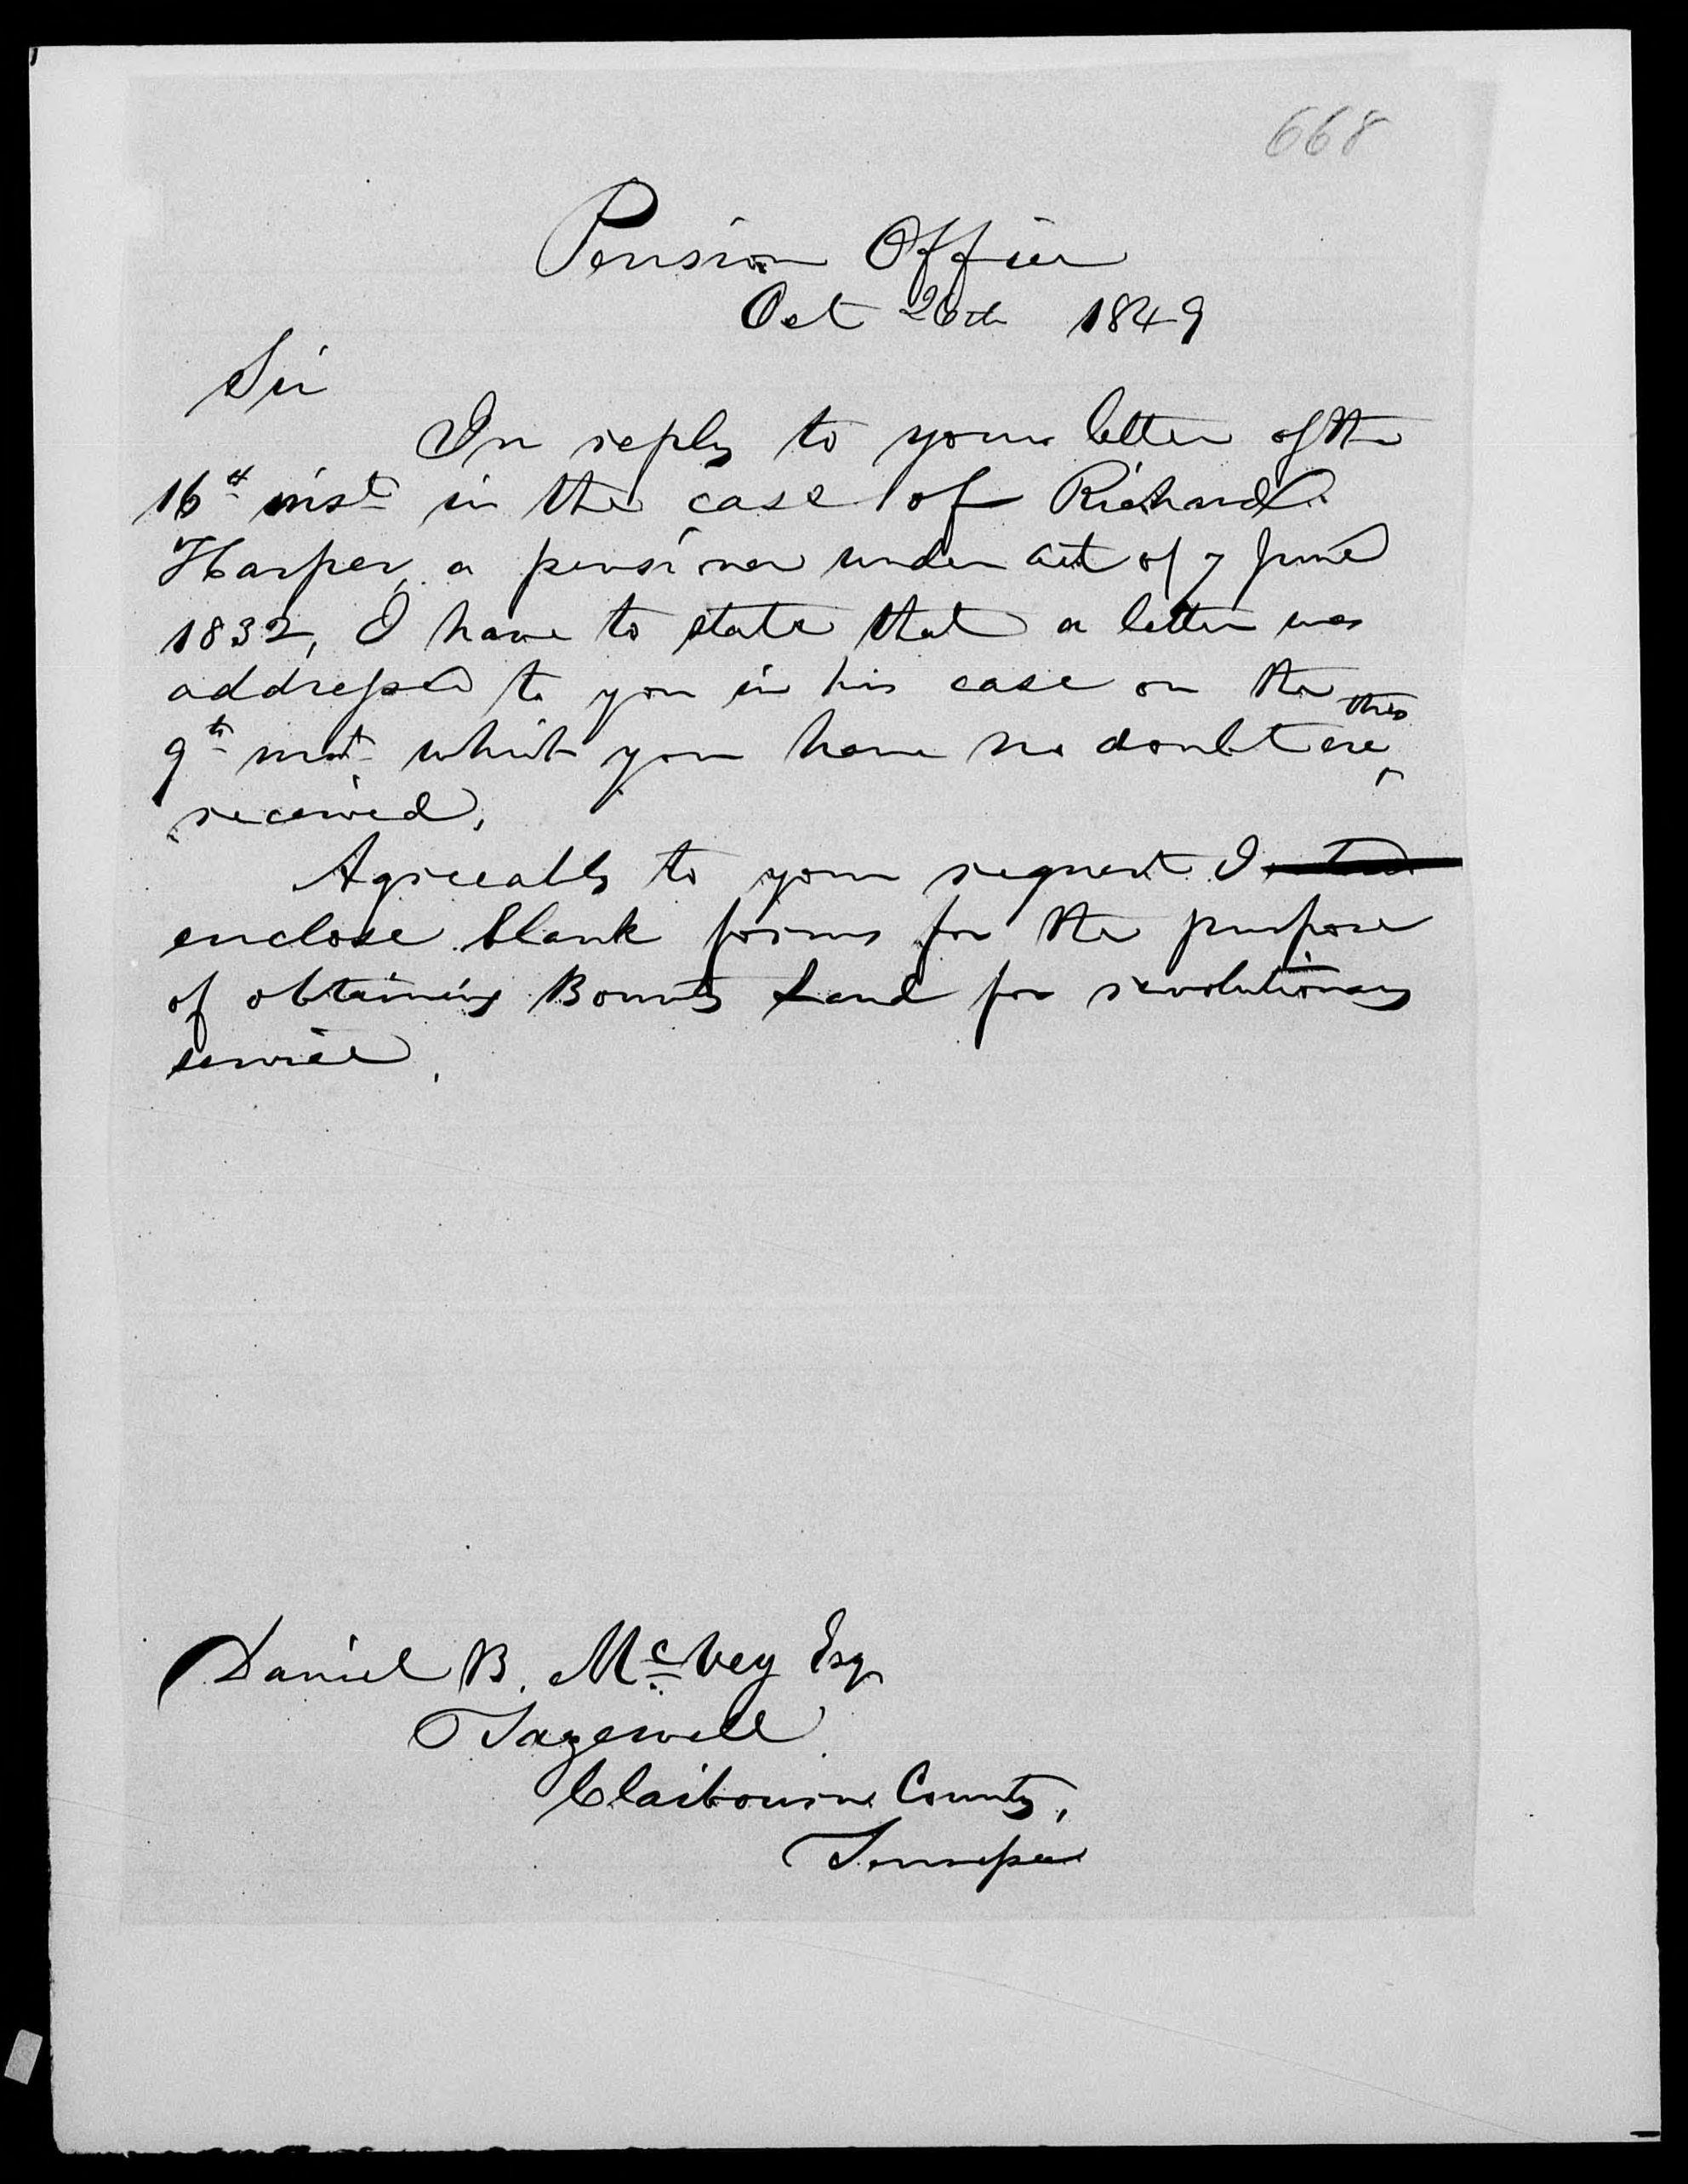668
Pension Office
Oct 26th 1849

Sir
In reply to your letter of the 16th [illegible] in the case of Richard Harper a pensioner under act of 7 June 1832, I have to state that a letter was addressed to you in his case on the 9th [illegible] which you have no doubt this here received.
Agreeable to your request I enclose blank forms for the purpose of obtaining Bounty Land for revolutionary service.

Daniel B. McVey Esq
Tazewell
Claiborne County,
Tennessee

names: Daniel B Mc Vey, Richard Harper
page: 30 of 81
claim: survivor's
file: S. 1908, Richard Harper, N.C.